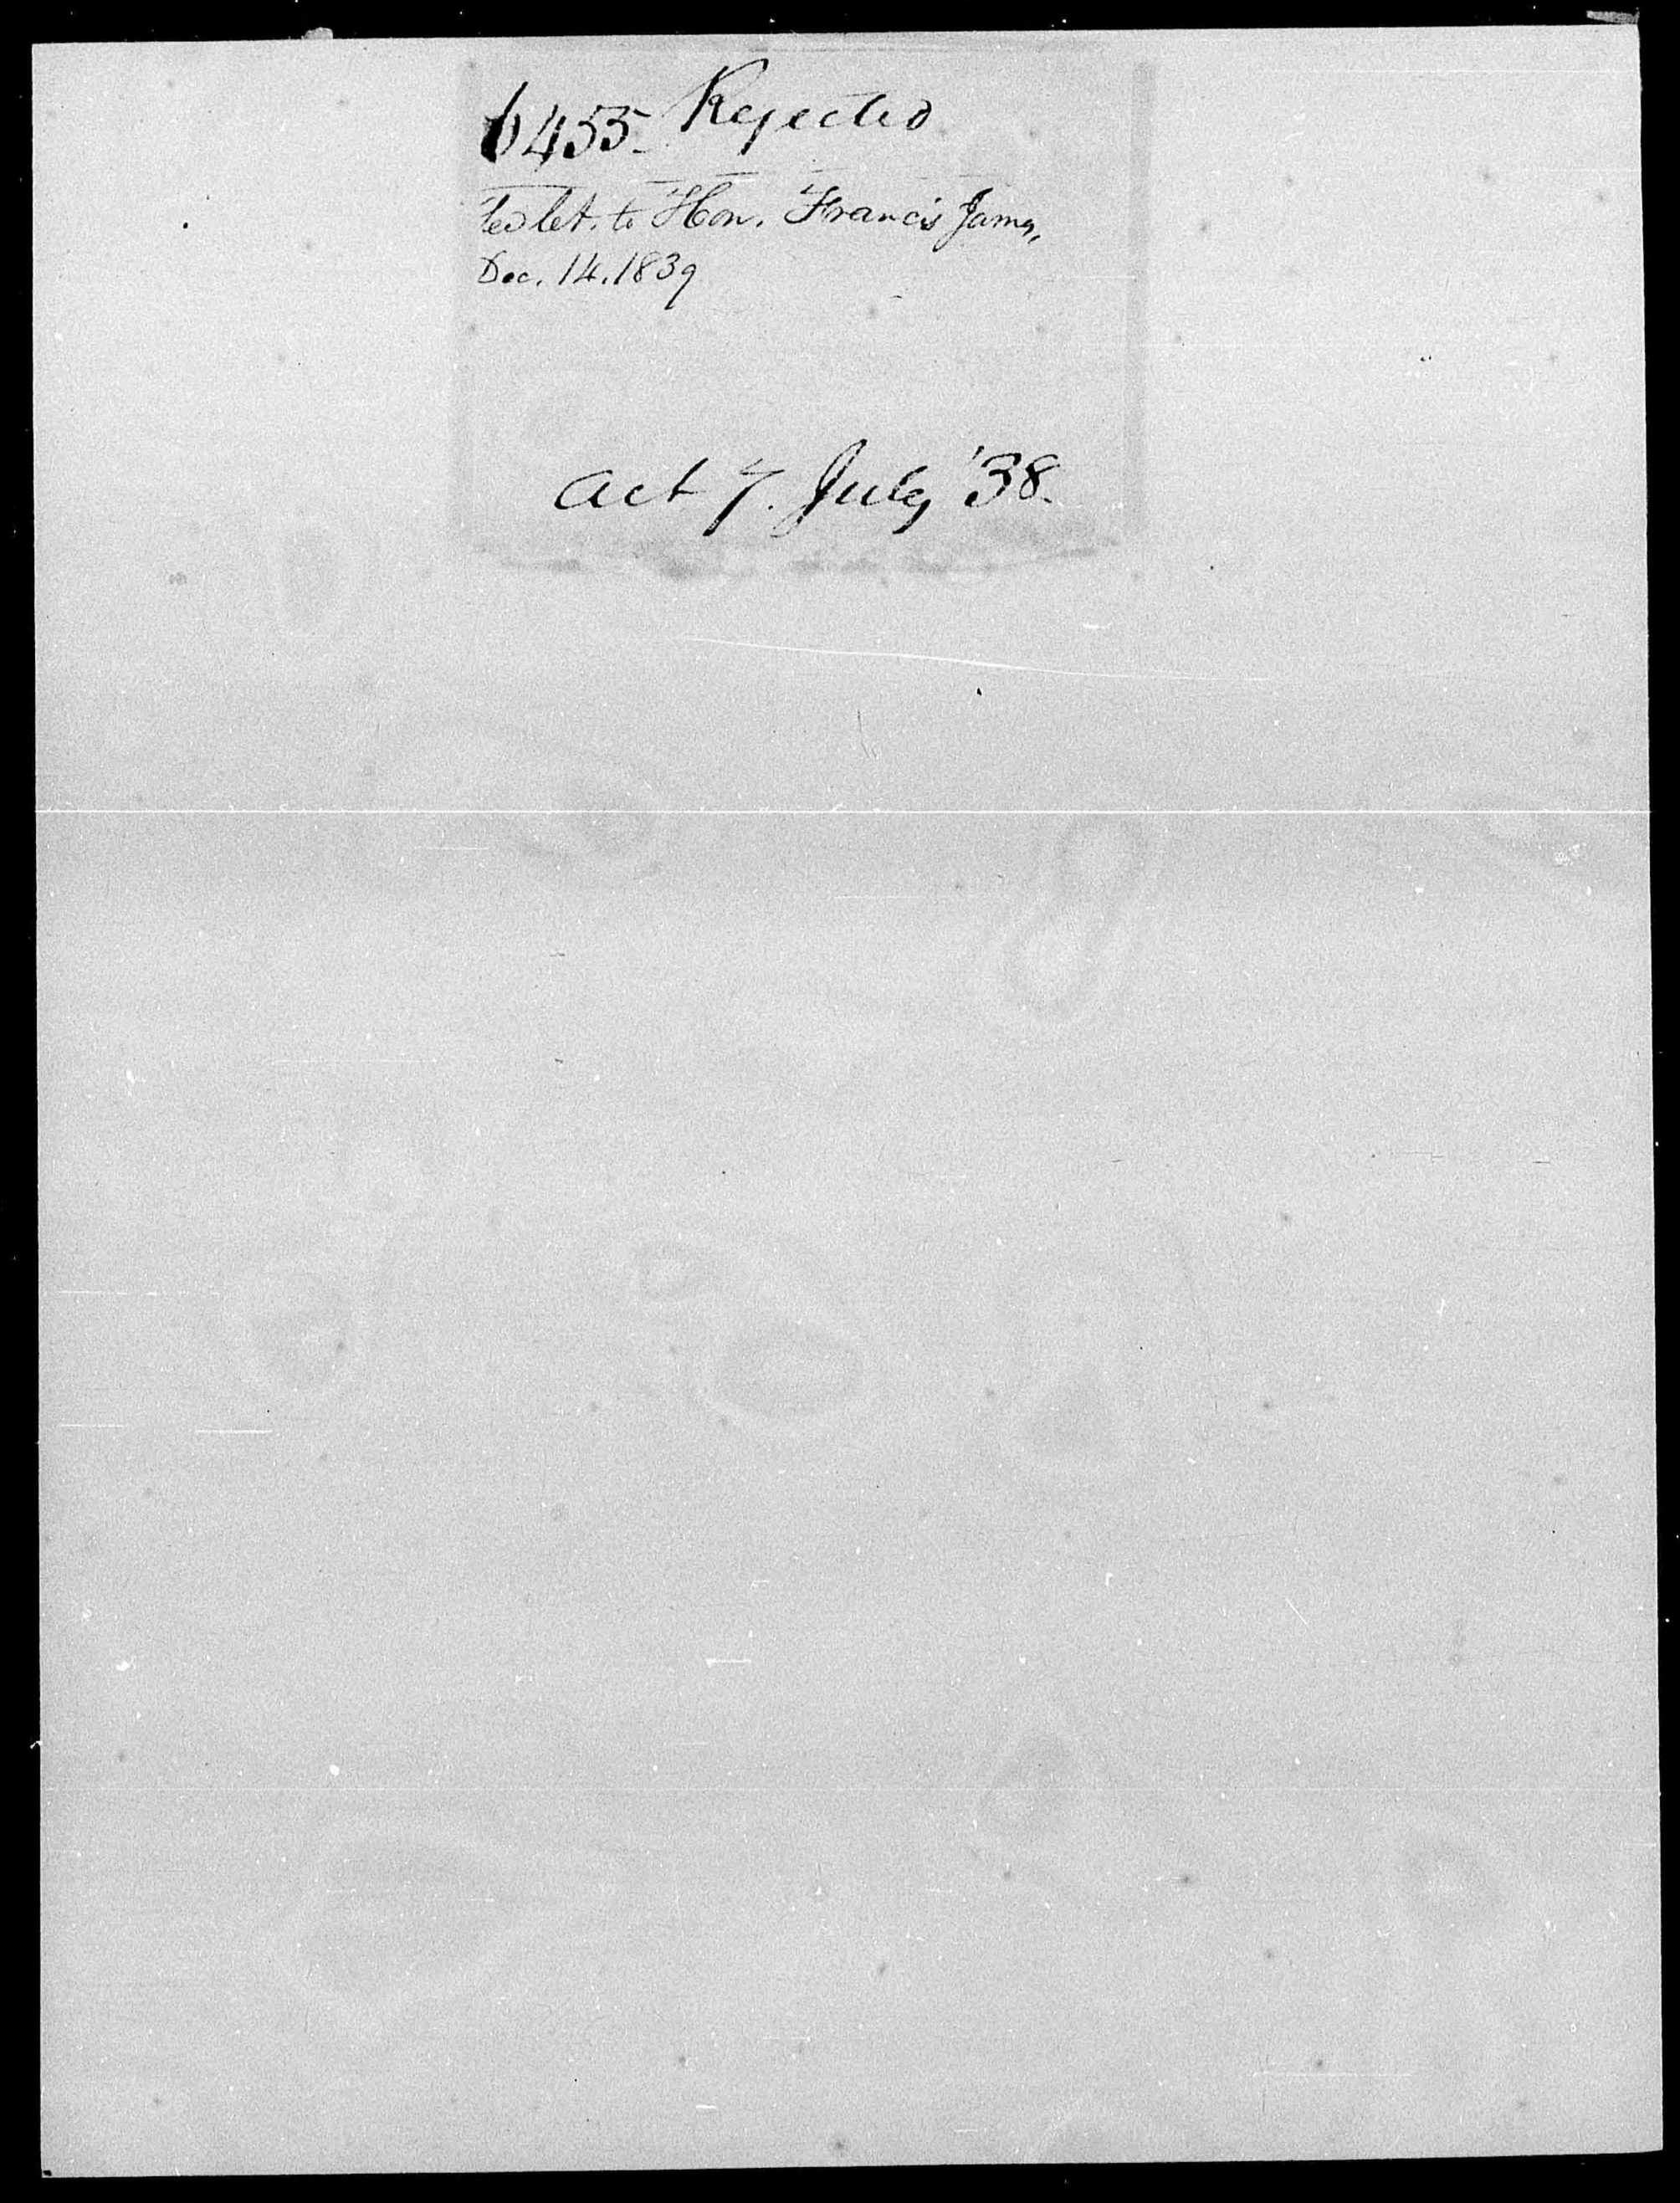6453 Rejected
Sec[?] let. to Hon. Francis Jams, Dec. 14. 1839

Act 7 July '38.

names: Francis James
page: 23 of 63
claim: widow's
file: W 2957, for Thomas Mc Dowell, Maryland